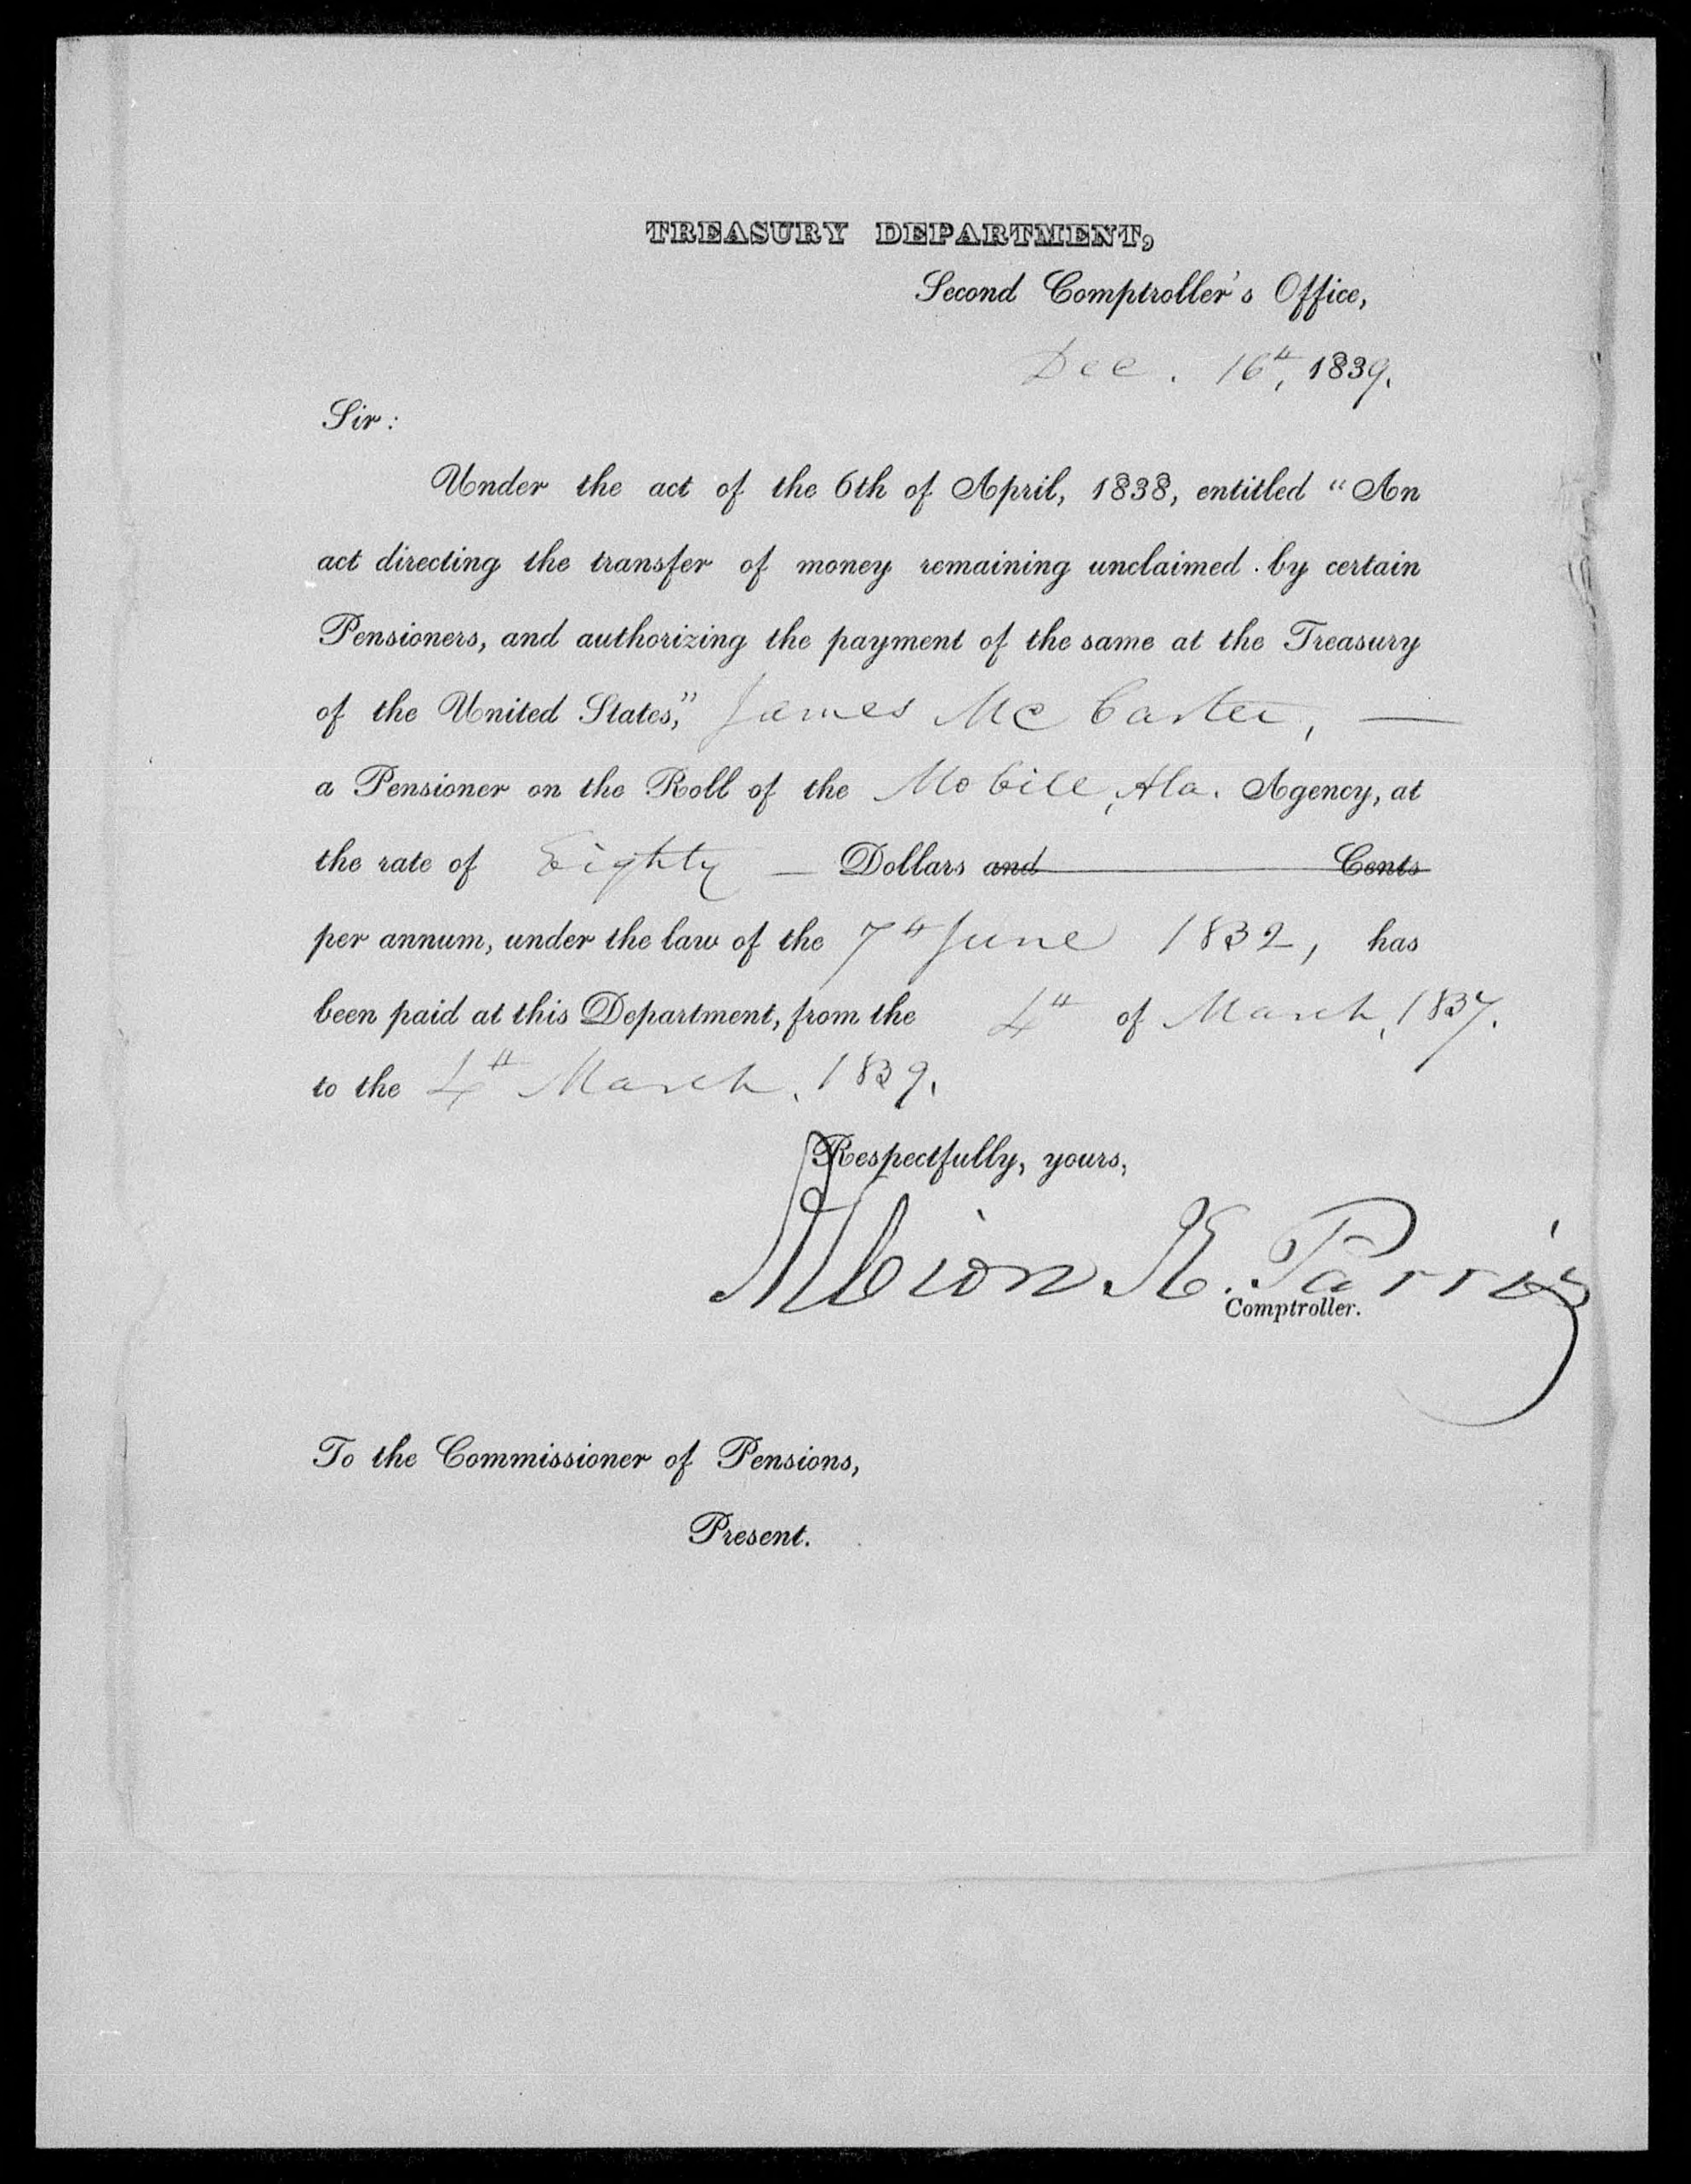{Printed document with handwritten responses}

TREASURY DEPARTMENT
Second Comptroller's Office,
Dec. 16th 1839

Sir:
Under the act of the 6th of April, 1838, entitled "An act directing the transfer of money 
 remaining unclaimed by certain Pensioners, and authorizing the payment of the same at the Treasury of the United States", James McCarter a Pensioner on the Roll of the Mobile, Ala. Agency, at the rate of Eighty Dollars and - Cents per annum, under the law of the 7th June 1832, has been paid at this Department, from the 4th March, 1837 to the 4th March 1839.

Respectfully, yours,

Albion K Parris
Comptroller.

To the Commissioner of Pensions
Present.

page: 17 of 45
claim: survivor's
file: S. 13,890, for James Mc Carter, South Carolina